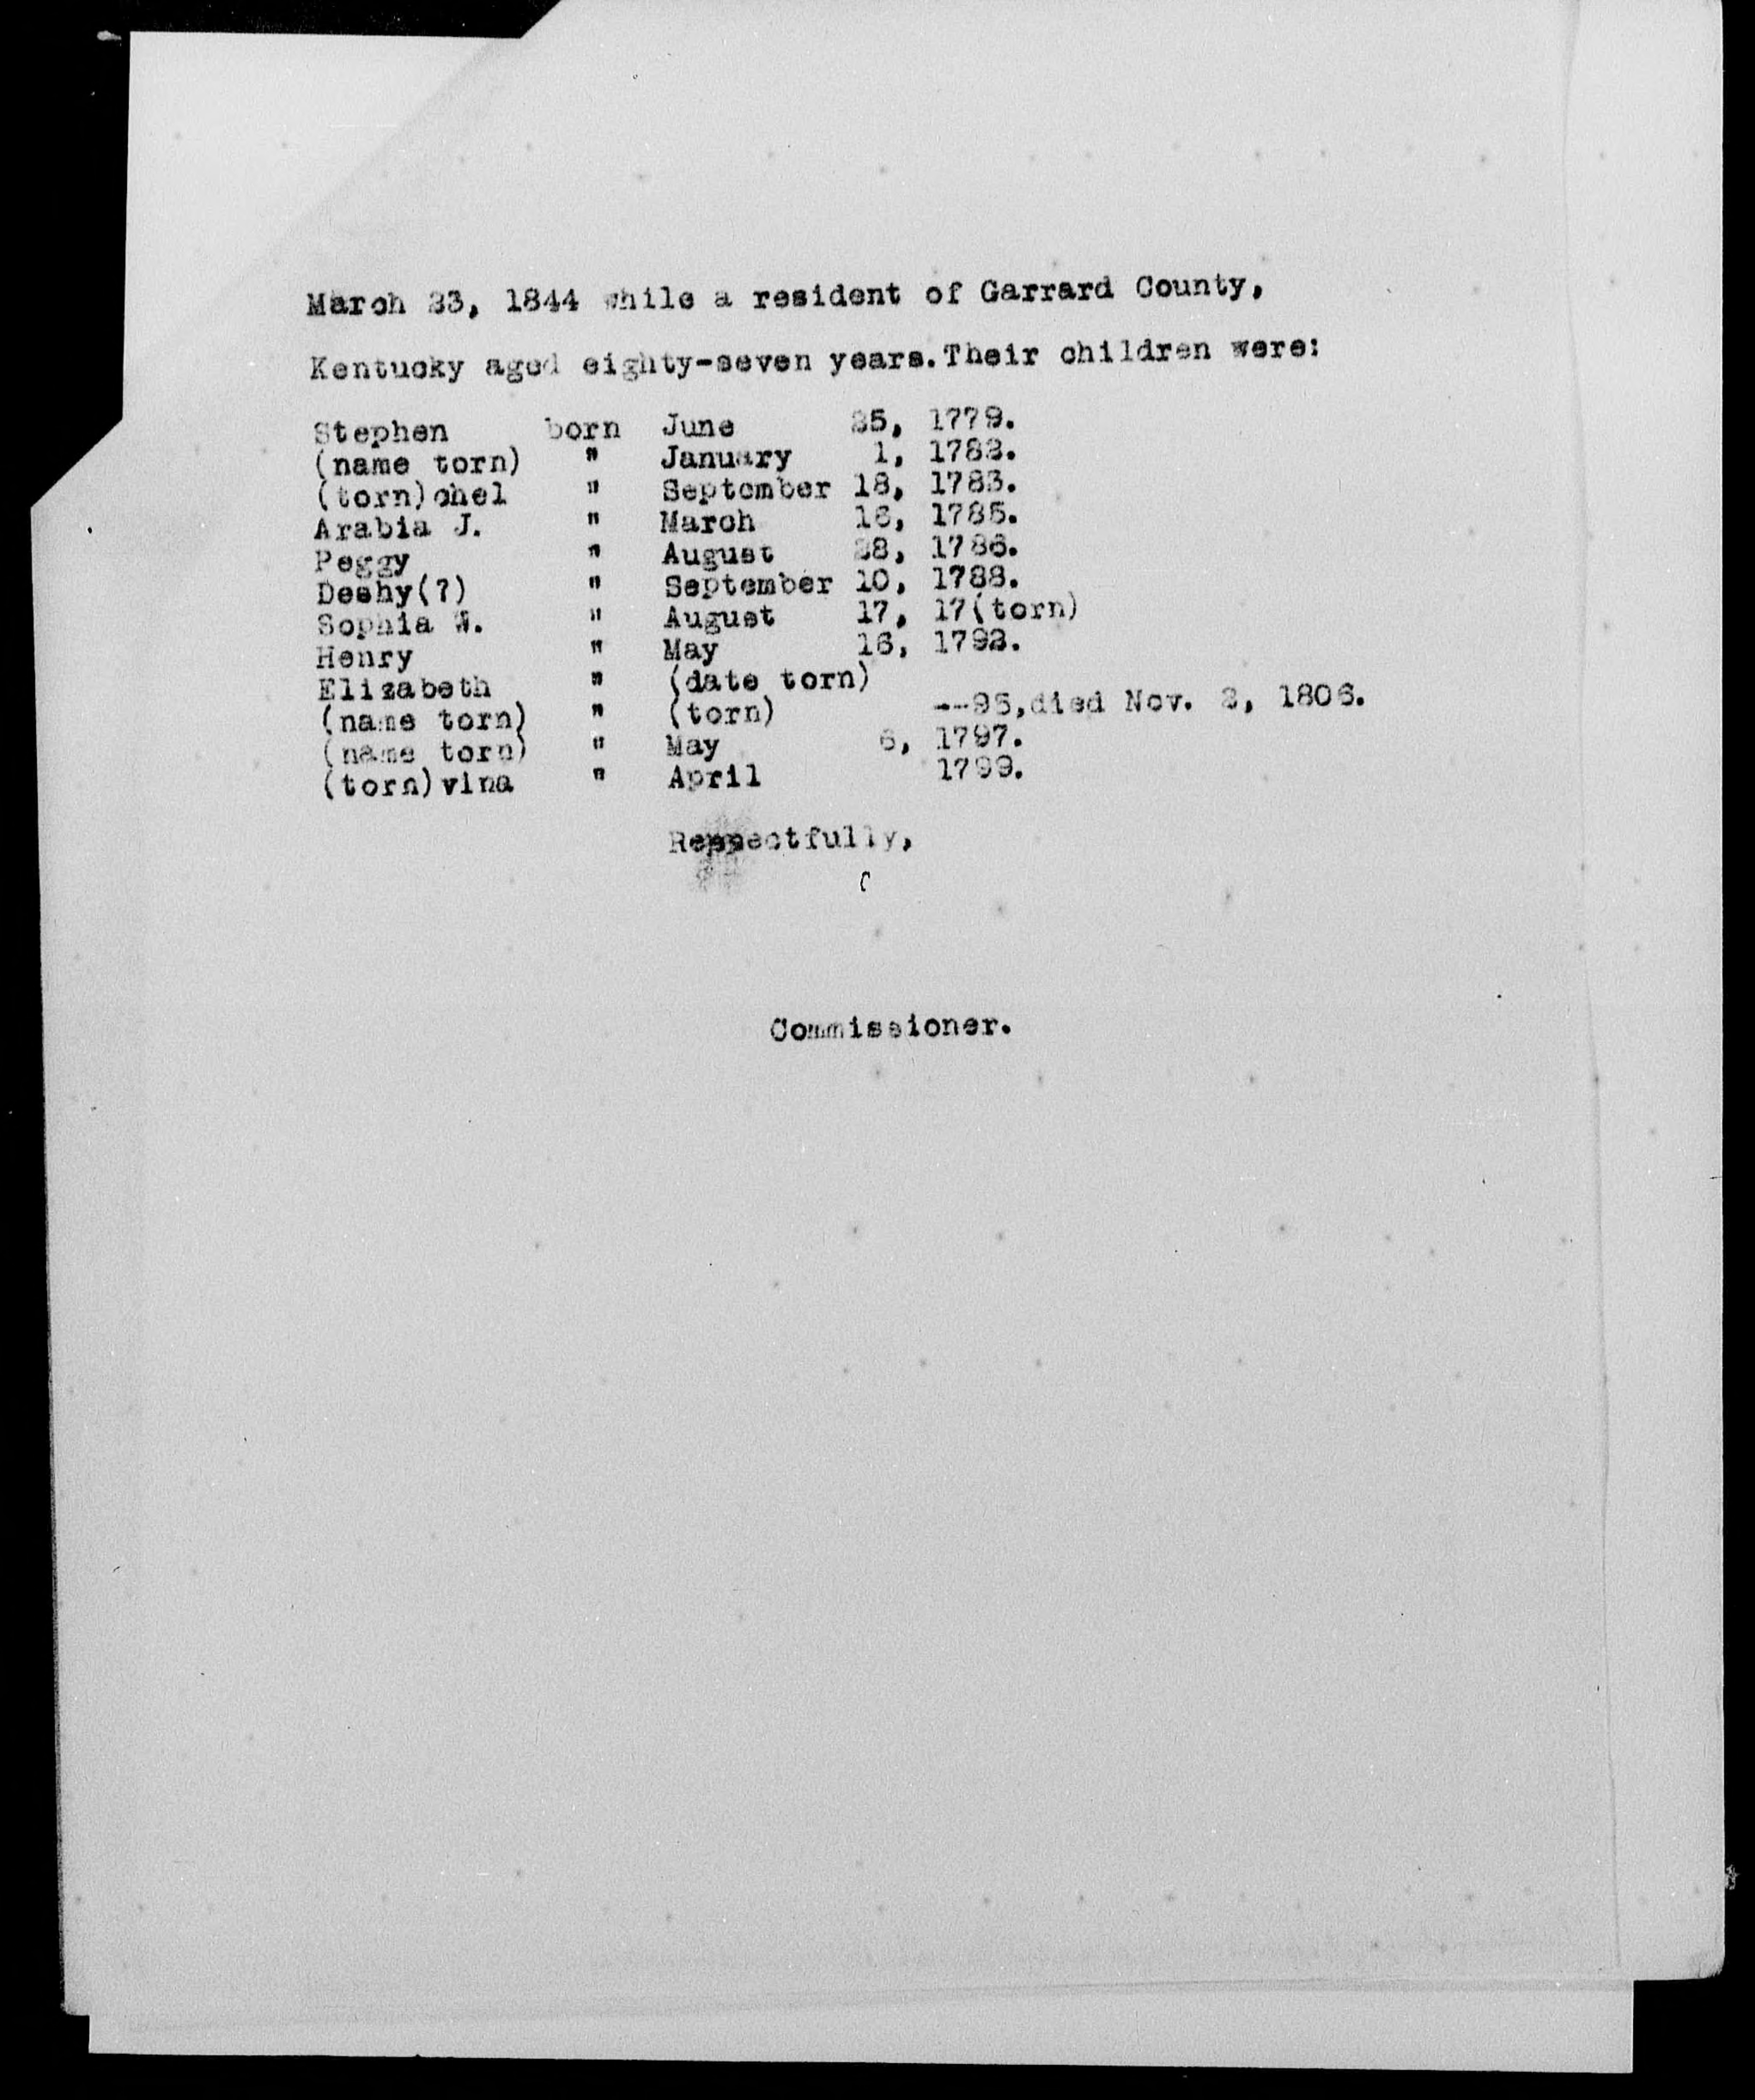March 23, 1844 while a resident of Garrard County, 
Kentucky aged eighty-seven years. Their children were 

Stephen      born  June             25, 1979.
(name torn)   "      January        1, 1782.
Arabia J.        "      September 18, 1783.
Peggy            "       August        28, 1786
Deaby (?)      "       September 10, 1788.
Sophia W.      "       August        17, 17(torn)
Henry             "       May             18, 1793.
Elizabeth       "       
(name torn)  "        --95, died Nov. 2, 1806.
(name torn)   "       May               6, 1797.
(tron) vina     "       April                   1799.

Respectfully,

Commissioner.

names: Elizabeth, Deshy, Sophia W, Stephen, Peggy, Henry, Arabia J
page: 47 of 65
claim: widow's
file: W. 8384, Arabia Brown, Va.